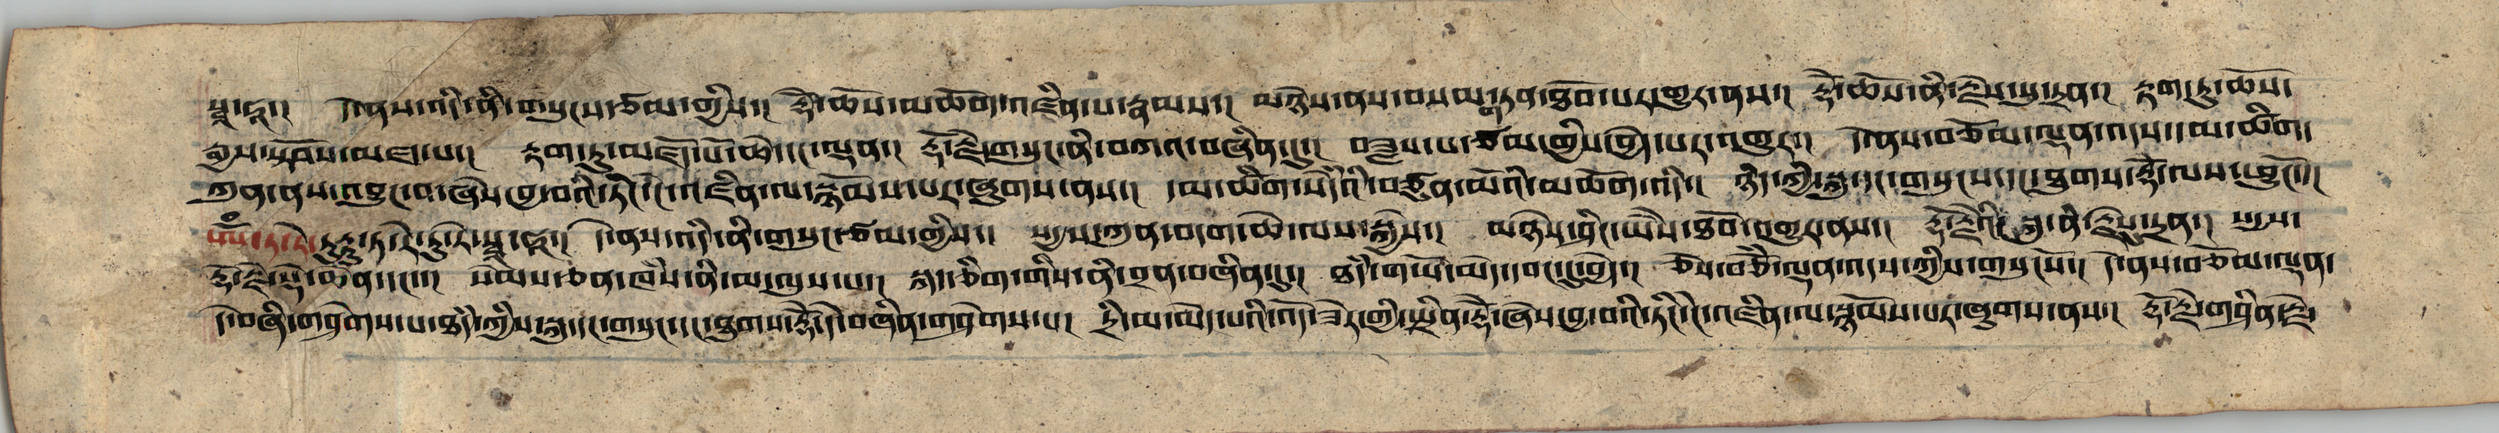སྭ་ཧཱ་། དེ་ནས་འདི་ནི་གསུངས་ཙམ་གྱིས་། རྡོེ་ཆོས་མཆོག་འཛིན་པ་རྣམས་། མཉེས་ནས་བསམ་གཏན་ཐོབ་པར་གྱུར་ནས་། རྡོེ་ཆོས་ནི་རྗེས་སུ་དྲན་། རྟག་ཏུ་ཆོས་
རྒྱས་སྟོབས་མཛད་པ་། རྟག་ཏུ་མཛོད་པོ་ཆེ་དང་ལྡན་། རྡོ་རྗེ་གསུང་ནི་བཀའ་བཞིན་དུ་། བཟླས་པ་ཙམ་གྱིས་བྱེད་པར་འགྱུར་། དེ་ནས་བཅོམ་ལྡན་འདས་དམ་ཚིག་
ཀུན་ནས་འབྱུང་བ་ཞེས་བྱ་བའི་ཏིང་ངེ་འཛིན་ལ་སྙོམས་པར་ཞུགས་ནས་། དམ་ཚིག་སེདཾའི་བཙུན་མོའི་མཆོག་འདི་། ཉིད་ཀྱི་སྐུ་དང་གསུངས་དང་ཐུགས་རྡོེ་ལས་ཕྱུངོ་་།
ཨོཾ་ཏ་རེ་ཏུཏྟུ་ཏ་རེ་ཏུ་རེ་སྭཱ་ཧཱ་། དེ་ནས་འདི་ནི་གསུང་ཙམ་གྱིས་། སདྱས་ཀུན་བདག་ཆེ་ལས་སྐྱེས་། མཉེས་ཤིང་ཡཻས་ཐོབ་འགྱུར་ནས་། རྡོ་རྗེའི་སྐུ་ནི་རྗེསུ་དྲན་། སདྱས་
རྡོ་རྗེ་སྡེ་ཆེན་དང་་། སེམས་ཅན་ཁཾས་ནི་མ་ལུས་པ་། སྐད་ཅིག་གིས་ནི་བྲན་བཞིན་དུ་། ཐཾད་གཡོ་མེད་དབང་དུ་བྱེད་། ཅེས་བཅོམ་ལྡན་འདས་ཀྱིས་གསུངསོ་། དེ་ནས་བཅོམ་ལྡན་
དེ་བཞི་གཤེགས་པ་ཐཾད་ཀྱིས་སྐུ་དང་གསུང་དང་ཐུགས་རྡོེ་དེ་བཞིན་གཤེགས་པ་། དྲི་མ་མེད་པའི་འོད་ཟེར་གྱི་སྤྲིན་རྡོེ་ཞེས་བྱ་བའི་ཏིང་ངེ་འཛིན་ལ་སྙོམས་པར་ཞུགས་ནས་། རྡོ་རྗེ་གཤིན་རྗེ་